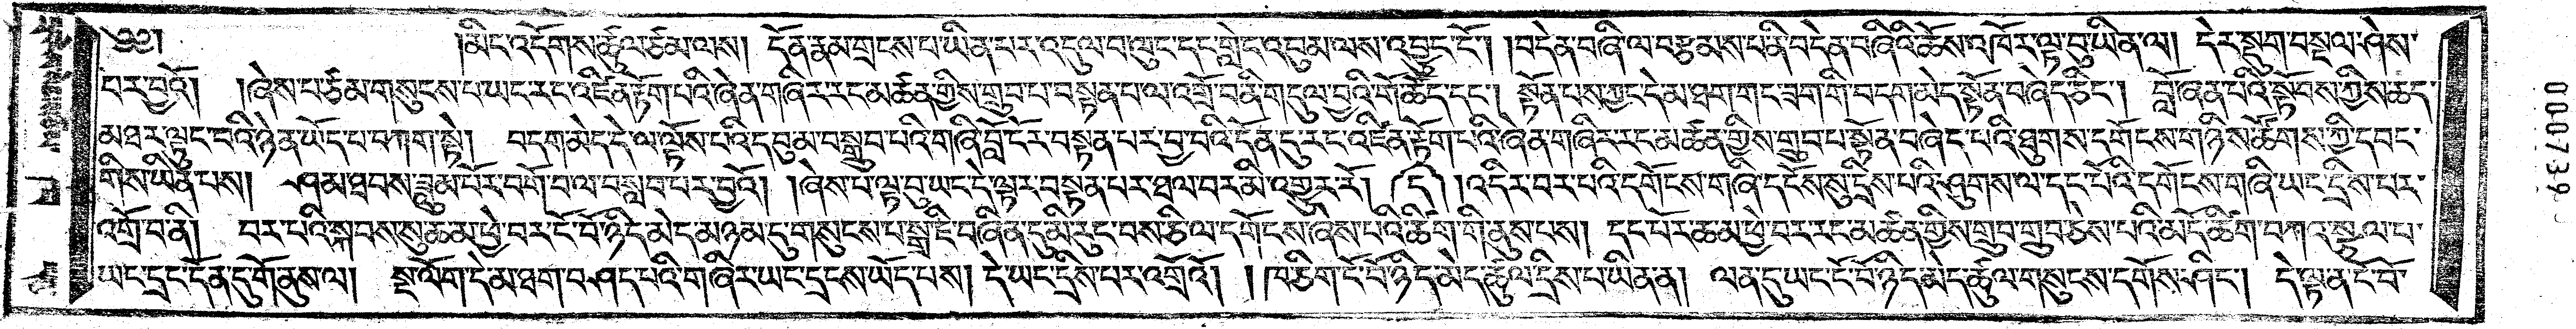༄༅། །མིང་འདོགས་ཚུལ་ཙམ་ལས། དོན་རྣམ་གྲངས་པ་ཡིན་པར་འདུལ་བ་ལུང་དང་གླེང་འབུམ་ལས་འབྱུང་ངོ། །བདེན་བཞི་ལ་བརྩམས་པ་ནི་བདེན་བཞིའི་ཆོས་འཁོར་ལྟ་བུ་ཡིན་ལ། དེར་སྡུག་བསྔལ་ཤེས་
པར་བྱའོ། །ཞེས་པ་ཙམ་གསུངས་པ་ཡང་རང་འཛིན་རྟོག་པའི་ཞེན་གཞིར་རང་མཚན་གྱིས་གྲུབ་པ་བསྟན་པ་ལ་འགྲོ་བ་ནི་གདུལ་བྱའི་གོ་ཚོད་དང་། སྟོན་པས་ཀྱང་དེ་མ་ཐག་གང་ཟག་གི་བདག་མེད་སྟོན་བཞེད་ཅིང་། བློ་ཞན་པའི་སྟོབས་ཀྱིས་ཆད་
མཐར་ལྟུང་བའི་ཉེན་ཡོད་པ་བཀག་སྟེ། བདག་མེད་དེ་ལ་ལྟོས་པའི་དབུ་མ་བསྒྲུབ་པའི་གཞི་བློ་ངོར་བསྟན་པར་བྱ་བའི་དོན་དུ་རང་འཛིན་རྟོག་པའི་ཞེན་གཞིར་རང་མཚན་གྱིས་གྲུབ་པ་སྟོན་བཞེད་པའི་ཐུགས་དགོངས་གཉིས་ཚོགས་ཀྱི་དབང་
གིས་ཡིན་པས། ཤམ་ཐབས་ཟླུམ་པོར་བགོ་བ་ལ་བསླབ་པར་བྱའོ། །ཞེས་པ་ལྟ་བུ་ཡང་དེ་ལྟར་བསྟན་པར་ཐལ་བར་མི་འགྱུར་རོ། ༼ད༽ །འདིར་བར་པའི་དགོངས་གཞི་དངོས་སུ་དྲིས་པའི་ཤུགས་ལ་དང་པོའི་དགོངས་གཞི་ཡང་དྲིས་པར་
འགྲོ་བ་ནི། བར་པའི་སྐབས་སུ་ཆ་མ་ཕྱེ་བར་ངོ་བོ་ཉིད་མེད་མཉམ་དུ་གསུངས་པ་སྒྲ་ཇི་བཞིན་དུ་མི་རུང་བས་ཅི་ལ་དགོངས་ཞེས་པའི་ཚིག་གི་ནུས་པས། དང་པོར་ཆ་མ་ཕྱེ་བར་རང་མཚན་གྱིས་གྲུབ་གྲུབ་ཅེས་པའི་མདོ་ཚིག་བཀའ་སྩལ་པ་
ཡང་དྲང་དོན་དུ་གོ་ནུས་ལ། སྔ་ལོག་དེ་མ་ཐག་བཤད་པའི་གཞིར་ཡང་དྲངས་ཡོད་པས། དེ་ཡང་དྲིས་པར་འགྲོའོ། །ཁ་ཅིག་ངོ་བོ་ཉིད་མེད་ཚུལ་དྲིས་པ་ཡིན་ན། ལན་དུ་ཡང་ངོ་བོ་ཉིད་མེད་ཚུལ་གསུངས་དགོས་ཤིང་། དེ་ལྟ་ན་ངོ་བོ་